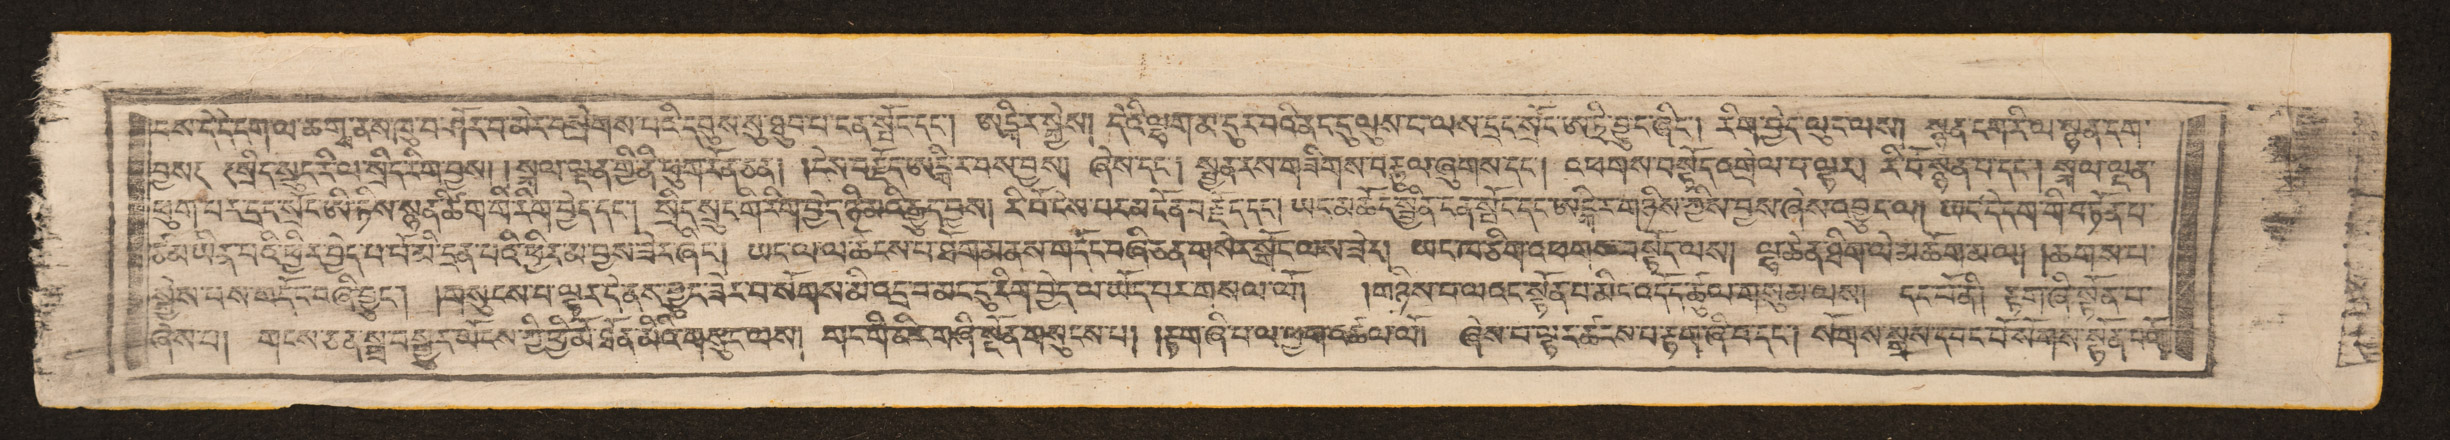བས་དེ་དེ་དག་ལ་ཆགས་ནས་ཁུ་བ་ཤོར་བ་མེར་བསྲེགས་པའི་དབུས་སུ་ཐུབ་པ་ངན་སྤོང་དང་། ཨིངྐ་ར་སྐྱེས། དེའི་ལྷག་མ་དུར་བའི་ནང་དུ་ལུས་པ་ལས་དྲང་སྲོང་ཨཏྲི་བྱུང་ཞིང་། རིག་བྱེད་ལུང་ལས། སྙན་ངག་རི་ལ་སྙན་ངག་
བྱས༑ ༑སྲིད་སྲུང་རི་ལ་སྲིད་རིག་བྱས། །སྐལ་ལྡན་གྱི་ནི་ཕུག་རོན་ཅན། །ངེས་བརྗོད་ཨཻངྐ་ར་བས་བྱས། ཞེས་དང་། སྤྱན་རས་གཟིགས་བརྟུལ་ཞུགས་དང་། འཕགས་བསྟོད་འགྲེལ་པ་ལྟར། རི་བོ་སྙན་པ་དང་། སྐལ་ལྡན་
ཕུག་པར་དྲང་སྲོང་ཨི་ཏིས་སྙན་ཚིག་གི་རིག་བྱེད་དང་། སྲིད་སྲུང་གི་རིག་བྱེད་ཉི་མའི་རྒྱུད་བྱས། རི་བོ་ངེས་པར་མངོན་བརྗོད་དང་། ཡང་མཆོད་སྦྱིན་ངན་སྤོང་དང་ཨངྐི་ར་གཉིས་ཀྱིས་བྱས་ཞེས་འབྱུང་ལ། ཡང་དེ་དག་གི་བཏོན་པ་
ཙམ་ཡིན་པའི་ཕྱིར་བྱེད་པ་པོ་མི་དྲན་པའི་ཕྱིར་མ་བྱས་ཟེར་ཞིང་། ཡང་ལ་ལ་ཚངས་པ་ཐོག་མ་ནས་གདོང་བཞི་ཅན་གསེར་སྒོང་ལས་ཟེར། ཡང་ཁ་ཅིག་འཕགས་བསྟོད་ལས། ལྷ་ཆེན་ཐིག་ལེ་མཆོག་མ་ལ། །ཆགས་པ་
སྐྱེས་པས་གདོང་བཞི་བྱུང་། །གསུངས་པ་ལྟར་དེ་ནས་བྱུང་ཟེར་བ་སོགས་མི་འདྲ་བ་མང་དུ་རིག་བྱེད་ལ་ཡོད་པར་གསལ་ལོ། །གཉིས་པ་ལའང་སྟོན་པ་མིང་འདོད་ཚུལ་གསུམ་ལས། དང་པོ་ནི། རྟག་ཞི་སྟོན་པ་
ཞེས་པ། གངས་ཅན་སྒྲ་བསྒྱུར་ཡོངས་ཀྱི་ཕྱི་མོ་ཐོན་མིའི་གསུང་ལས། གང་གི་མིང་གཞི་སྔོན་གསུངས་པ། །རྟག་ཞི་པ་ལ་ཕྱག་འཚལ་ལོ། ཞེས་པ་ལྟར་ཚངས་པ་རྟག་ཞི་བ་དང་། སོགས་སྒྲས་དབང་པོ་སོགས་སྟོན་པའོ།།